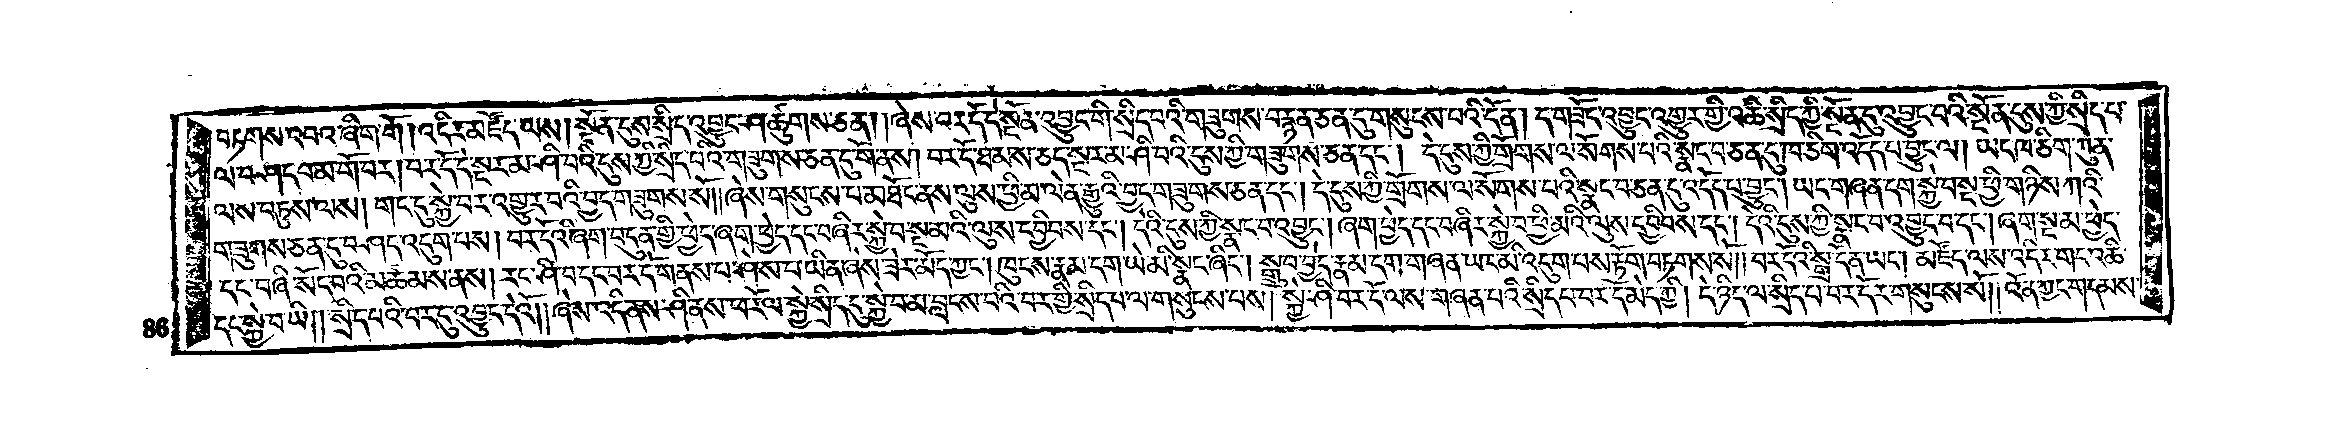བཏགས་འབའ་ཞིག་གོ །འདིར་མཛོད་ལས། སྔོན་དུས་སྲིད་འབྱུང་ཤ་ཚུགས་ཅན། །ཞེས་བར་དོ་དེ་སྔོན་འབྱུང་གི་སྲིད་པའི་གཟུགས་བརྙན་ཅན་དུ་གསུངས་པའི་དོན། ད་གཟོད་འབྱུང་འགྱུར་གྱི་འཆི་སྲིད་ཀྱི་སྔོན་དུ་འབྱུང་བའི་སྔོན་དུས་ཀྱི་སྲིད་པ་
ལ་བཤད་པ་མ་གོ་བར། བར་དོ་དེ་སྔར་མ་ཤི་བའི་དུས་ཀྱི་སྲིད་པའི་གཟུགས་ཅན་དུ་གོ་ནས། བར་དོ་ཐམས་ཅད་སྔར་མ་ཤི་བའི་དུས་ཀྱི་གཟུགས་ཅན་དང་། དེ་དུས་ཀྱི་གྲོགས་ལ་སོགས་པའི་སྣང་བ་ཅན་དུ་ཁ་ཅིག་འདོད་པ་བྱུང་ལ། ཡང་ཁ་ཅིག་ཀུན་
ལས་བཏུས་ལས། གང་དུ་སྐྱེ་བར་འགྱུར་བའི་བྱད་གཟུགས་སོ། །ཞེས་གསུངས་པ་མཐོང་ནས་ལུས་ཕྱི་མ་ལེན་རྒྱུའི་བྱད་གཟུགས་ཅན་དང་། དེ་དུས་ཀྱི་གྲོགས་ལ་སོགས་པའི་སྣང་བ་ཅན་དུ་འདོད་པ་བྱུང་། ཡང་གཞན་དག་སྐྱེ་བ་སྔ་ཕྱི་གཉིས་ཀའི་
གཟུགས་ཅན་དུ་བཤད་འདུག་པས། བར་དོའི་ཞག་བདུན་གྱི་ཕྱེད་ཞག་ཕྱེད་དང་བཞིར་སྐྱེ་བ་སྔ་མའི་ལུས་དབྱིབས་དང་། དེའི་དུས་ཀྱི་སྣང་བ་འབྱུང་། ཞག་ཕྱེད་དང་བཞིར་སྐྱེ་བ་ཕྱི་མའི་ལུས་དབྱིབས་དང་། དེའི་དུས་ཀྱི་སྣང་བ་འབྱུང་བ་དང་། ཞག་སྔ་མ་ཕྱེད་
དང་བཞི་སོད་བའི་མཚམས་ནས། རང་ཤི་བ་དང་བར་དོ་གནས་པ་ཤེས་པ་ཡིན་ཞེས་ཟེར་མོད་ཀྱང་། ཁུངས་རྣམ་དག་ཡེ་མི་སྣང་ཞིང་། སྒྲུབ་བྱེད་རྣམ་དག་གཞན་ཡང་མི་འདུག་པས་རྟོག་བཏགས་སོ། །བར་དོའི་སྒྲ་དོན་ཡང་། མཛོད་ལས་འདིར་གང་འཆི་
དང་སྐྱེ་བ་ཡི། །སྲིད་པའི་བར་དུ་འབྱུང་དེའོ། །ཞེས་འདི་ནས་ཤི་ནས་ཕ་རོལ་སྐྱེ་སྲིད་དུ་སྐྱེ་བ་མ་བླངས་པའི་བར་གྱི་སྲིད་པ་ལ་གསུངས་པས། སྐྱེ་ཤི་བར་དོ་ལས་གཞན་པའི་སྲིད་པ་བར་དོ་མེད་ཀྱི། དེ་ཉིད་ལ་སྲིད་པ་བར་དོར་གསུངས་སོ། །འོན་ཀྱང་གདམས་